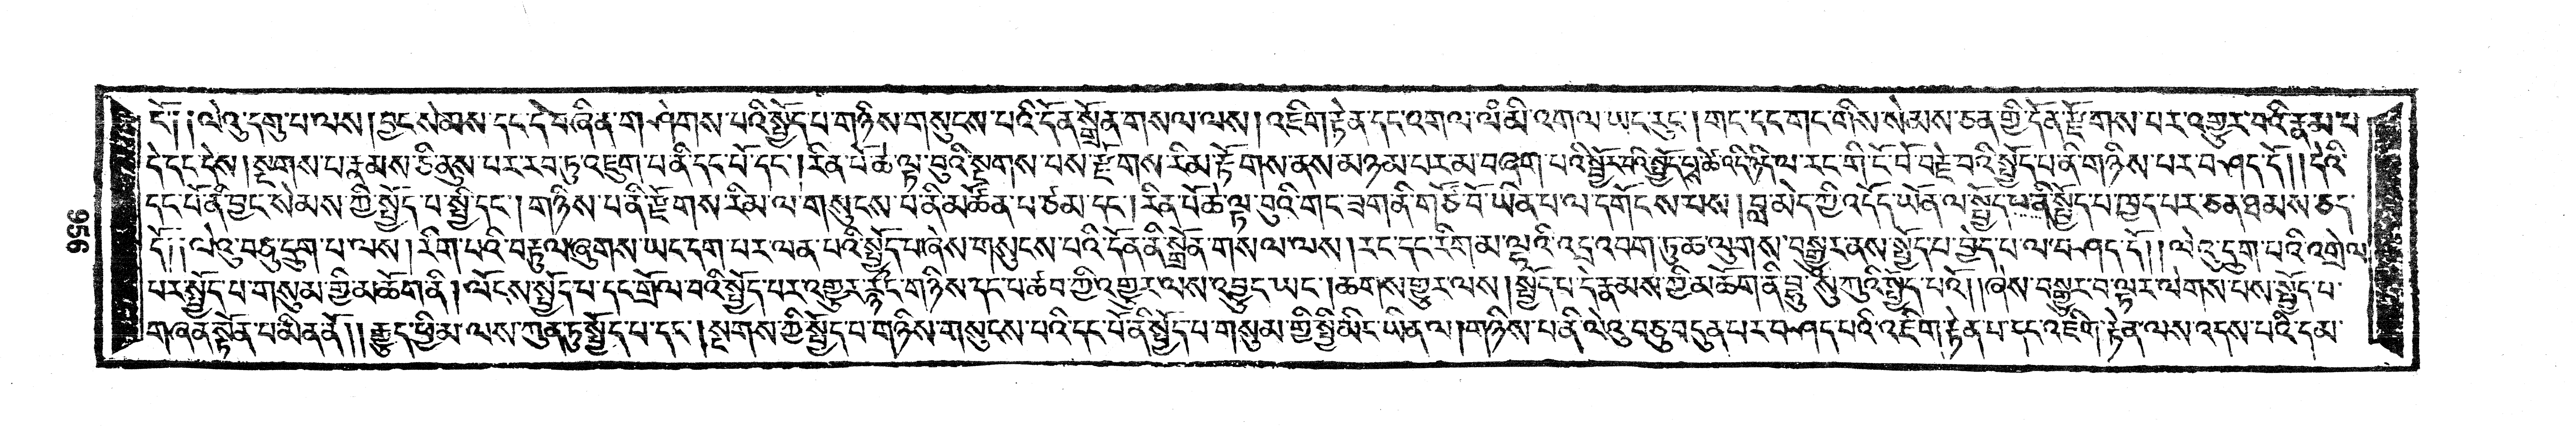ངོ༑ ༑ལེའུ་དགུ་པ་ལས། བྱང་སེམས་དང་དེ་བཞིན་གཤེགས་པའི་སྤྱོད་པ་གཉིས་གསུངས་པའི་དོན་སྒྲོན་གསལ་ལས། འཇིག་རྟེན་དང་འགལ་ལམ་མི་འགལ་ཡང་རུང་། གང་དང་གང་གིས་སེམས་ཅན་གྱི་དོན་རྫོགས་པར་འགྱུར་བའི་རྣམ་པ་
དེ་དང་དེས། སྔགས་པ་རྣམས་ཅི་ནུས་པར་རབ་ཏུ་འཇུག་པ་ནི་དང་པོ་དང་། རིན་པོ་ཆེ་ལྟ་བུའི་སྔགས་པས་རྫོགས་རིམ་རྟོགས་ནས་མཉམ་པར་མ་བཞག་པའི་སྦྱོར་བའི་སྤྱོད་པས་ཚེ་འདི་ཉིད་ལ་རང་གི་ངོ་བོ་བརྗེ་བའི་སྤྱོད་པ་ནི་གཉིས་པར་བཤད་དོ། །དེའི་
དང་པོ་ནི་བྱང་སེམས་ཀྱི་སྤྱོད་པ་སྤྱི་དང་། གཉིས་པ་ནི་རྫོགས་རིམ་ལ་གསུངས་པ་ནི་མཚོན་པ་ཙམ་དང་། རིན་པོ་ཆེ་ལྟ་བུའི་གང་ཟག་ནི་གཙོ་བོ་ཡིན་པ་ལ་དགོངས་པས། བླ་མེད་ཀྱི་འདོད་ཡོན་ལ་སྤྱོད་པའི་སྤྱོད་པ་ཁྱད་པར་ཅན་ཐམས་ཅད་
དོ༑ ༑ལེའུ་བཅུ་དྲུག་པ་ལས། རིག་པའི་བརྟུལ་ཞུགས་ཡང་དག་པར་ལན་པའི་སྤྱོད་པ་ཞེས་གསུངས་པའི་དོན་ནི་སྒྲོན་གསལ་ལས། རང་དང་རིག་མ་ལྷའི་འདྲ་འབག་ཏུ་ཆ་ལུགས་བསྒྱུར་ནས་སྤྱོད་པ་བྱེད་པ་ལ་བཤད་དོ། །ལེའུ་དྲུག་པའི་འགྲེལ་
པར་སྤྱོད་པ་གསུམ་གྱི་མཆོག་ནི། ལོངས་སྤྱོད་པ་དང་གྲོལ་བའི་སྤྱོད་པར་འགྱུར་རྙིང་གཉིས་དང་པ་ཚབ་ཀྱི་འགྱུར་ལས་འབྱུང་ཡང་། ཆགས་གྱུར་ལས། སྤྱོད་པ་དེ་རྣམས་ཀྱི་མཆོག་ནི་བྷུ་སུ་ཀུའི་སྤྱོད་པའོ། །ཞེས་བསྒྱུར་བ་ལྟར་ལེགས་པས་སྤྱོད་པ་
གཞན་སྟོན་པ་མིན་ནོ། །རྒྱུད་ཕྱི་མ་ལས་ཀུན་ཏུ་སྤྱོད་པ་དང་། སྔགས་ཀྱི་སྤྱོད་པ་གཉིས་གསུངས་པའི་དང་པོ་ནི་སྤྱོད་པ་གསུམ་གྱི་སྤྱི་མིང་ཡིན་ལ། གཉིས་པ་ནི་ལེའུ་བཅུ་བདུན་པར་བཤད་པའི་འཇིག་རྟེན་པ་དང་འཇིག་རྟེན་ལས་འདས་པའི་དམ་